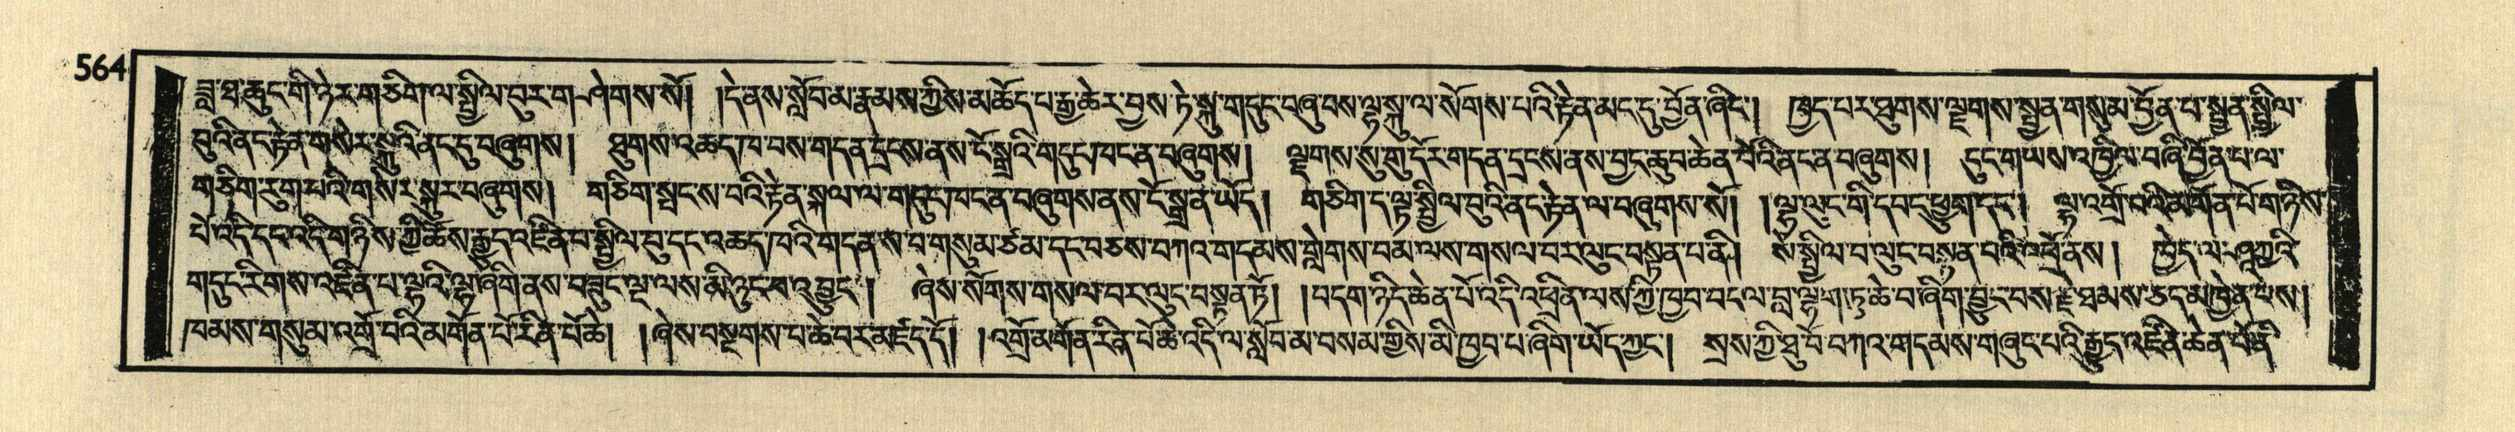ཟླ་ཐ་ཆུང་གི་ཉེར་གཅིག་ལ་སྤྱིལ་བུར་གཤེགས་སོ། །དེ་ནས་སློབ་མ་རྣམས་ཀྱིས་མཆོད་པ་རྒྱ་ཆེར་བྱས་ཏེ་སྐུ་གདུང་བཞུ་བས་ལྷ་སྐུ་ལ་སོགས་པའི་རྟེན་མང་དུ་བྱོན་ཞིང་། ཁྱད་པར་ཐུགས་ལྗགས་སྤྱན་གསུམ་བྱོན་པ་སྤྱན་སྤྱིལ་
བུའི་ནང་རྟེན་གསེར་སྐུའི་ནང་དུ་བཞུགས། ཐུགས་འཆད་ཁ་བས་གདན་དྲངས་ནས་ངོ་སྒྲའི་གདུང་ཁང་ན་བཞུགས། ལྗགས་སུ་གུ་དོར་གདན་དྲངས་ནས་བྱང་ཆུབ་ཆེན་པོའི་ནང་ན་བཞུགས། དུང་གཡས་འཁྱིལ་བཞི་བྱོན་པ་ལ་
གཅིག་རུག་པའི་གསེར་སྐུར་བཞུགས། གཅིག་སྤངས་བའི་རྟེན་སྐལ་ལ་གདུང་ཁང་ན་བཞུགས་ནས་ངོ་སྒྲ་ན་ཡོད། གཅིག་ད་ལྟ་སྤྱིལ་བུའི་ནང་རྟེན་ལ་བཞུགས་སོ། །ལྷ་ལུང་གི་དབང་ཕྱུག་དང་། ལྟ་འགྲོ་བའི་མགོན་པོ་གཉིས་
པོ་འདི་དང་འདི་གཉིས་ཀྱི་ཆོས་རྒྱུད་འཛིན་པ་སྤྱིལ་བུ་དང་འཆད་ཁའི་གདན་ས་བ་གསུམ་ཙམ་དང་བཅས་བཀའ་གདམས་གླེགས་བམ་ལས་གསལ་བར་ལུང་བསྟན་པ་ནི། སོ་སྤྱིལ་བ་ལུང་བསྟན་པའི་འཕྲོ་ནས། ཁྱེད་ལ་ཤཱཀྱའི་
གདུང་རིགས་འཛིན་པ་ལྷའི་ལྷ་ཞིག་ནས་བཟུང་ལྔ་ལས་མི་ཉུང་བ་འབྱུང་། ཞེས་སོགས་གསལ་བར་ལུང་བསྟན་ཏོ། །བདག་ཉིད་ཆེན་པོ་འདི་འཕྲིན་ལས་ཀྱི་ཁྱབ་བདལ་བླ་ལྷག་ཏུ་ཆེ་བ་ཞིག་བྱུང་བས་རྗེ་ཐམས་ཅད་མཁྱེན་པས།
ཁམས་གསུམ་འགྲོ་བའི་མགོན་པོ་རིན་པོ་ཆེ། །ཞེས་བསྔགས་པ་ཆེ་བར་མཛད་དོ། །འགྲོ་མགོན་རིན་པོ་ཆེ་འདི་ལ་སློབ་མ་བསམ་གྱིས་མི་ཁྱབ་པ་ཞིག་ཡོད་ཀྱང་། སྲས་ཀྱི་ཐུ་བོ་བཀའ་གདམས་གཞུང་པའི་རྒྱུད་འཛིན་ཆེན་པོ་ནི་